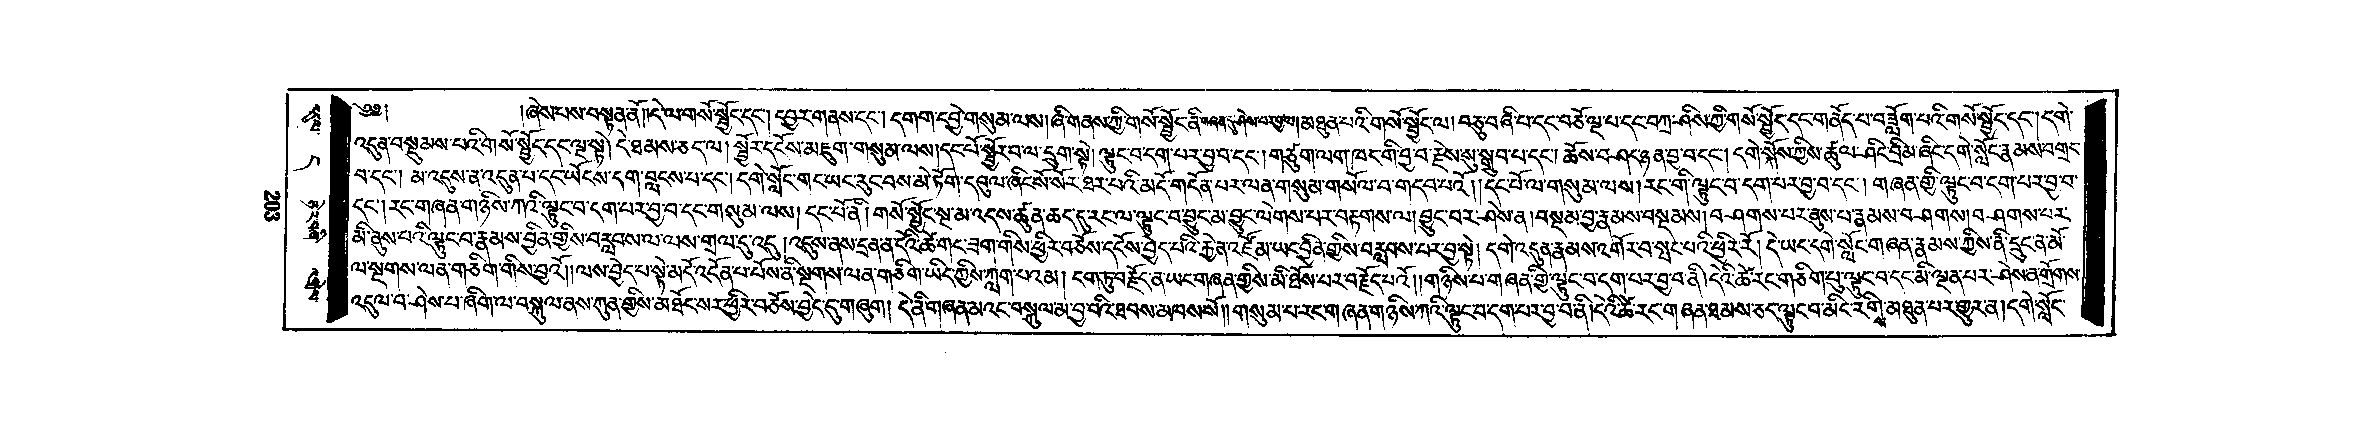༄༅། །ཞེས་པས་བསྟན་ནོ། །དེ་ལ་གསོ་སྦྱོང་དང་། དབྱར་གནས་དང་། དགག་དབྱེ་གསུམ་ལས། ཞི་གནས་ཀྱི་གསོ་སྦྱོང་ནི་གཞན་དུ་ཤེས་པར་བྱ་ལ། མཐུན་པའི་གསོ་སྦྱོང་ལ། བཅུ་བཞི་པ་དང་བཅོ་ལྔ་པ་དང་བཀྲ་ཤིས་ཀྱི་གསོ་སྦྱོང་དང་གནོད་པ་བཟློག་པའི་གསོ་སྦྱོང་དང་། དགེ་
འདུན་བསྡུམས་པའི་གསོ་སྦྱོང་དང་ལྔ་སྟེ། དེ་ཐམས་ཅད་ལ། སྦྱོར་དངོས་མཇུག་གསུམ་ལས། དང་པོ་སྦྱོར་བ་ལ་དྲུག་སྟེ། ལྟུང་བ་དག་པར་བྱ་བ་དང་། གཙུག་ལག་ཁང་གི་བྱ་བ་རྗེས་སུ་སྒྲུབ་པ་དང་། ཆོས་བཤད་ཉན་བྱ་བ་དང་། དགེ་སྐོས་ཀྱིས་ཚུལ་ཤིང་བྲིམ་ཞིང་དགེ་སློང་རྣམས་བགྲང་
བ་དང་། མ་འདུས་ན་འདུན་པ་དང་ཡོངས་དག་བླངས་པ་དང་། དགེ་སློང་གང་ཡང་རུང་བས་མེ་ཏོག་དབུལ་ཞིང་སོ་སོར་ཐར་པའི་མདོ་གདོན་པར་ལན་གསུམ་གསོལ་བ་གདབ་པའོ། །དང་པོ་ལ་གསུམ་ལས། རང་གི་ལྟུང་བ་དག་པར་བྱ་བ་དང་། གཞན་གྱི་ལྟུང་བ་དག་པར་བྱ་བ་
དང་། རང་གཞན་གཉིས་ཀའི་ལྟུང་བ་དག་པར་བྱ་བ་དང་གསུམ་ལས། དང་པོ་ནི། གསོ་སྦྱོང་སྔ་མ་འདས་ཚུན་ཆད་དུ་རང་ལ་ལྟུང་བ་བྱུང་མ་བྱུང་ལེགས་པར་བརྟགས་ལ། བྱུང་བར་ཤེས་ན། བསྡམ་བྱ་རྣམས་བསྡམས། བཤགས་པར་ནུས་པ་རྣམས་བཤགས། བཤགས་པར་
མི་ནུས་པའི་ལྟུང་བ་རྣམས་བྱིན་གྱིས་བརླབས་ལ་ལས་གྲལ་དུ་འདུ། འདུས་ནས་དྲན་ན་དེའི་ཚེ་གང་ཟག་གིས་ཕྱིར་བཅོས་དངོས་བྱེད་པའི་རྐྱེན་འཛོམ་ཡང་བྱིན་གྱིས་བརླབས་པར་བྱ་སྟེ། དགེ་འདུན་རྣམས་འགོར་བ་སྤང་པའི་ཕྱིར་རོ། །དེ་ཡང་དགེ་སློང་གཞན་རྣམས་ཀྱིས་ནི་དྲུང་ན་མོ་
ལ་སྔགས་ལན་གཅིག་གིས་བྱའོ། །ལས་བྱེད་པ་སྟེ་མདོ་འདོན་པ་པོས་ནི་སྔགས་ལན་གཅིག་ཡིད་ཀྱིས་ཀླག་པའམ། ངག་ཏུ་བརྗོད་ན་ཡང་གཞན་གྱིས་མི་ཐོས་པར་བརྗོད་པའོ། །གཉིས་པ་གཞན་གྱི་ལྟུང་བ་དག་པར་བྱ་བ་ནི། དེའི་ཚེ་རང་གཅིག་པུ་ལྟུང་བ་དང་མི་ལྡན་པར་ཤེས་ན་གྲོགས་
འདུལ་བ་ཤེས་པ་ཞིག་ལ་བསྐུལ་ནས་ཀུན་གྱིས་མཐོང་སར་ཕྱིར་བཅོས་བྱེད་དུ་གཞུག །དེ་ནི་གཞན་མའང་བསྐུལ་མ་བྱ་བའི་ཐབས་མཁས་སོ། །གསུམ་པ་རང་གཞན་གཉིས་ཀའི་ལྟུང་བ་དག་པར་བྱ་བ་ནི། དེའི་ཚེ་རང་གཞན་ཐམས་ཅད་ལྟུང་བ་མིང་རིགས་མཐུན་པར་གྱུར་ན། དགེ་སློང་